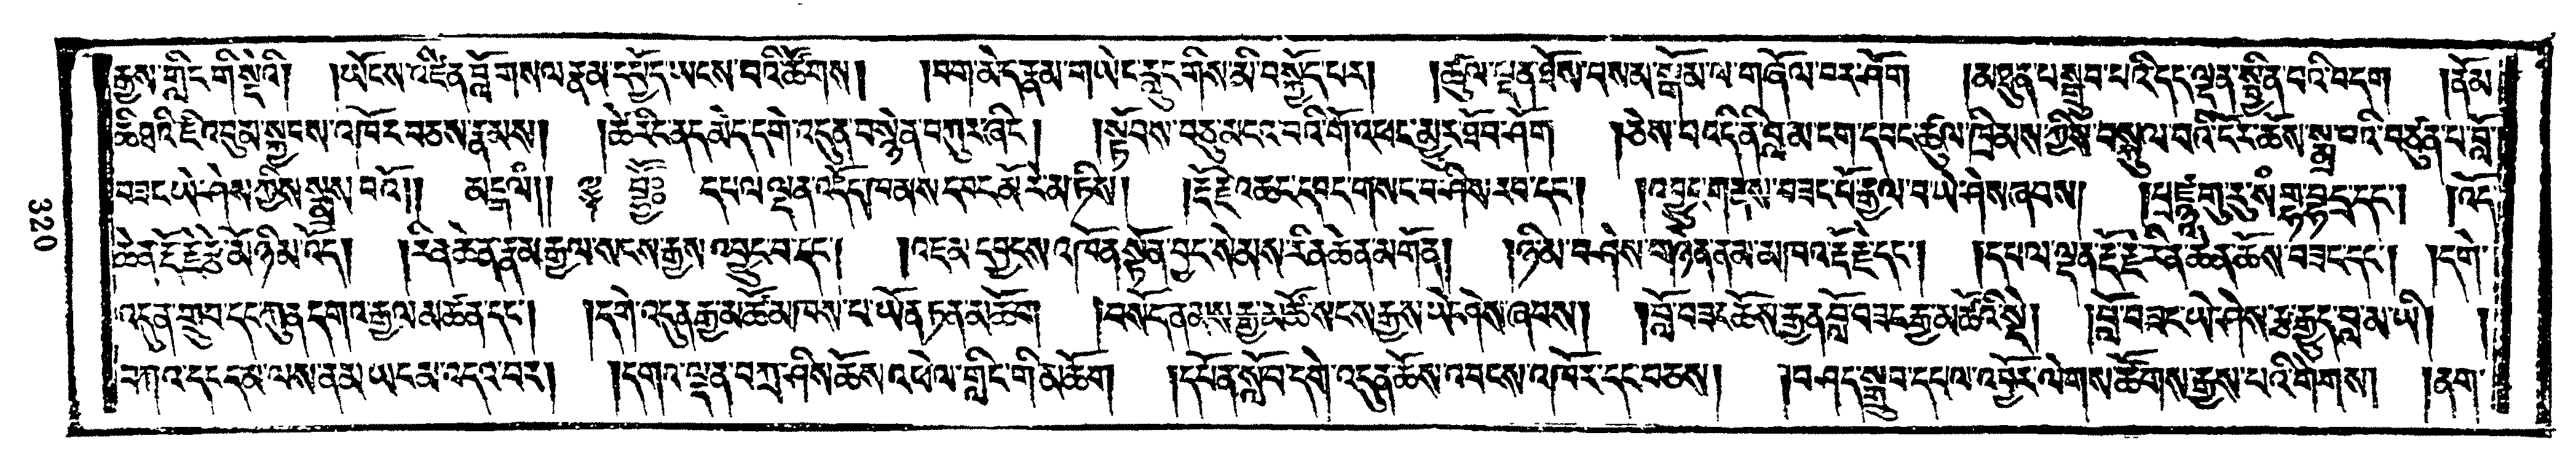རྒྱས་གླིང་གི་སྡེའི། །ཡོངས་འཛིན་བློ་གསལ་རྣམ་དཔྱོད་ཡངས་བའི་ཚོགས། །བག་མེད་རྣམ་གཡེང་རླུང་གིས་མི་བསྐྱོད་པར། །ཚུལ་ལྡན་ཐོས་བསམ་སྒོམ་ལ་གཞོལ་བར་ཤོག །མཐུན་པ་སྒྲུབ་པའི་དད་ལྡན་སྦྱིན་བའི་བདག །ནོམ་
ཆི་ཐའི་ཇི་འབུམ་སྐྱབས་འཁོར་བཅས་རྣམས། །ཚེ་རིང་ནད་མེད་དགེ་འདུན་བསྙེན་བཀུར་ཞིང་། །སྟོབས་བཅུ་མངའ་བའི་གོ་འཕང་མྱུར་ཐོབ་ཤོག །ཅེས་པ་འདི་ནི་བླ་མ་ངག་དབང་ཚུལ་ཁྲིམས་ཀྱིས་བསྐུལ་བའི་ངོར་ཆོས་སྨྲ་བའི་བཙུན་པ་བློ།
བཟང་ཡེ་ཤེས་ཀྱིས་སྨྲས་བའོ།། མངྒལཾ།། ༈ བྷྱཽཿ དཔལ་ལྡན་འདོད་ཁམས་དབང་མོ་རེ་མ་ཏིས། །རྡོ་རྗེ་འཆང་དབང་གསང་བ་ཤིས་རབ་དང་། །འབྱུང་གནས་བཟང་པོ་རྒྱལ་བ་ཡེ་ཤེས་ཞབས། །པྲཛྙཱ་གུ་རུ་སཾ་གྷ་བྷ་དྲ་དང་། །འོད་
ཆེན་རྡོ་རྗེ་རྩེ་མོ་ཉི་མ་འོད། །རིན་ཆེན་རྣམ་རྒྱལ་སངས་རྒྱས་འབྱུང་བ་དང་། །འཇམ་དབྱངས་འཁོན་སྟོན་བྱང་སེམས་རིན་ཆེན་མགོན། །ཉི་མ་བཤེས་གཉེན་ནམ་མཁའ་རྡོ་རྗེ་དང་། །དཔལ་ལྡན་རྡོ་རྗེ་རིན་ཆེན་ཆོས་བཟང་དང་། །དགེ་
འདུན་གྲུབ་དང་ཀུན་དགའ་རྒྱལ་མཚན་དང་། །དགེ་འདུན་གྲུབ་དང་ཀུན་དགའ་རྒྱལ་མཚན་དང་། །དགེ་འདུན་རྒྱ་མཚོ་མཁས་པ་ཡོན་ཏན་མཆོག །བསོད་ནམས་རྒྱ་མཚོ་སངས་རྒྱས་ཡེ་ཤེས་ཞབས། །བློ་བཟང་ཆོས་རྒྱན་བློ་བཟང་རྒྱ་མཚོའི་སྡེ། །བློ་བཟང་ཡེ་ཤེས་རྩ་རྒྱུད་བླ་མ་ཡི། །
བཀའ་དང་དམ་ལས་ནམ་ཡང་མ་འདའ་བར། །དགའ་ལྡན་བཀྲ་ཤིས་ཆོས་འཕེལ་གླིང་གི་མཆོག །དཔོན་སློབ་དགེ་འདུན་ཆོས་འབངས་འཁོར་དང་བཅས། །བཤད་སྒྲུབ་དཔལ་འབྱོར་ལེགས་ཚོགས་རྒྱས་པའི་གེགས། །ནག་